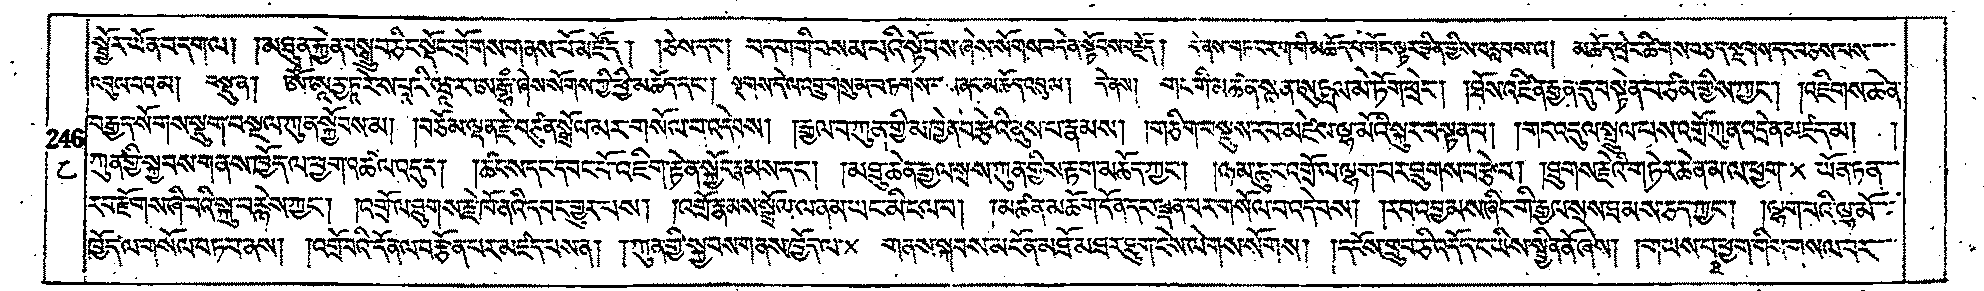སྦྱོར་ཡོན་བདག་ལ། །མཐུན་རྐྱེན་བསྒྲུབ་ཅིང་སྡོང་གྲོགས་གནས་པོ་མཛོད། །ཅེས་དང་།  བདག་གི་བསམ་པའི་སྟོབས་ཞེས་སོགས་བདེན་སྟོབས་བརྗོད།  དེ་ནས་གཏང་རག་གི་མཆོད་པ་གོང་ལྟར་བྱིན་གྱིས་བརླབས་ལ། མཆོད་ཕྲེང་ཚིགས་བཅད་སྔགས་དང་བཅས་པས་་་
འབུལ་བའམ། བསྡུ་ན། ཨོཾ་ཨཱརྱ་ཏཱ་རེ་ས་པཱ་རི་ཝཱ་ར་ཨརྒྷཾ་ཞེས་སོགས་ཀྱི་ཕྱི་མཆོད་དང་། སྔགས་དེ་ལ་འབྲུ་གསུམ་བཏགས་པས་ནང་མཆོད་འབུལ། དེ་ནས། གང་གི་མཚན་སྙན་ཨུཏྤལ་མེ་ཏོག་ཕྲེང་། །ཐོས་འཛིན་རྒྱན་དུ་བསྟེན་པ་ཙམ་གྱིས་ཀྱང་། །འཇིགས་ཆེན་
བརྒྱད་སོགས་སྡུག་བསྔལ་ཀུན་སྐྱོབས་མ། །བཅོམ་ལྡན་རྗེ་བཙུན་སྒྲོལ་མར་གསོལ་བ་འདེབས། །རྒྱལ་བ་ཀུན་གྱི་མཁྱེན་བརྩེའི་ནུས་པ་རྣམས། །གཅིག་བསྡུས་རབ་མཛེས་ལྷ་མོའི་སྐུར་བསྟན་པ། །གང་འདུལ་སྤྲུལ་པས་འགྲོ་ཀུན་འདྲེན་མཛད་མ། །
ཀུན་གྱི་སྐྱབས་གནས་ཁྱོད་ལ་ཕྱག་འཚལ་འདུད། །ཚངས་དང་དབང་པོ་འཇིག་རྟེན་སྐྱོང་རྣམས་དང་། །མཐུ་ཆེན་རྒྱལ་སྲས་ཀུན་གྱིས་རྟག་མཆོད་ཀྱང་། །ཉམ་ཆུང་འགྲོ་ལ་ལྷག་པར་ཐུགས་བརྩེ་བ། །ཐུགས་རྗེའི་གཏེར་ཆེན་མ་ལ་ཕྱག་྾་ཡོན་ཏན་་་
རབ་རྫོགས་ཞི་བའི་སྐུ་བརྙེས་ཀྱང་། །འགྲོ་ལ་ཐུགས་རྗེ་ཁོ་ནའི་དབང་གྱུར་པས། །འགྲོ་རྣམས་སྒྲོལ་ལ་ནམ་ཡང་མི་ངལ་བ། །མཚན་མཆོག་དོན་དང་ལྡན་པར་གསོལ་བ་འདེབས།  །རབ་འབྱམས་ཞིང་གི་རྒྱལ་སྲས་ཐམས་ཅད་ཀྱང་། །ལྷག་པའི་ལྷ་མོ་་་
ཁྱོད་ལ་གསོལ་བཏབ་ནས། །འགྲོ་བའི་དོན་ལ་བརྩོན་པར་མཛད་པས་ན། །ཀུན་གྱི་སྐྱབས་གནས་ཁྱོད་ལ་྾་གནས་སྐབས་མངོན་མཐོ་མཐར་ཐུག་ངེས་ལེགས་སོགས། །དངོས་གྲུབ་ཅི་འདོད་ང་ཡིས་སྦྱིན་ནོ་ཞེས། །གཡས་པཱ་ཕྱག་གིས་གསལ་བར་་་